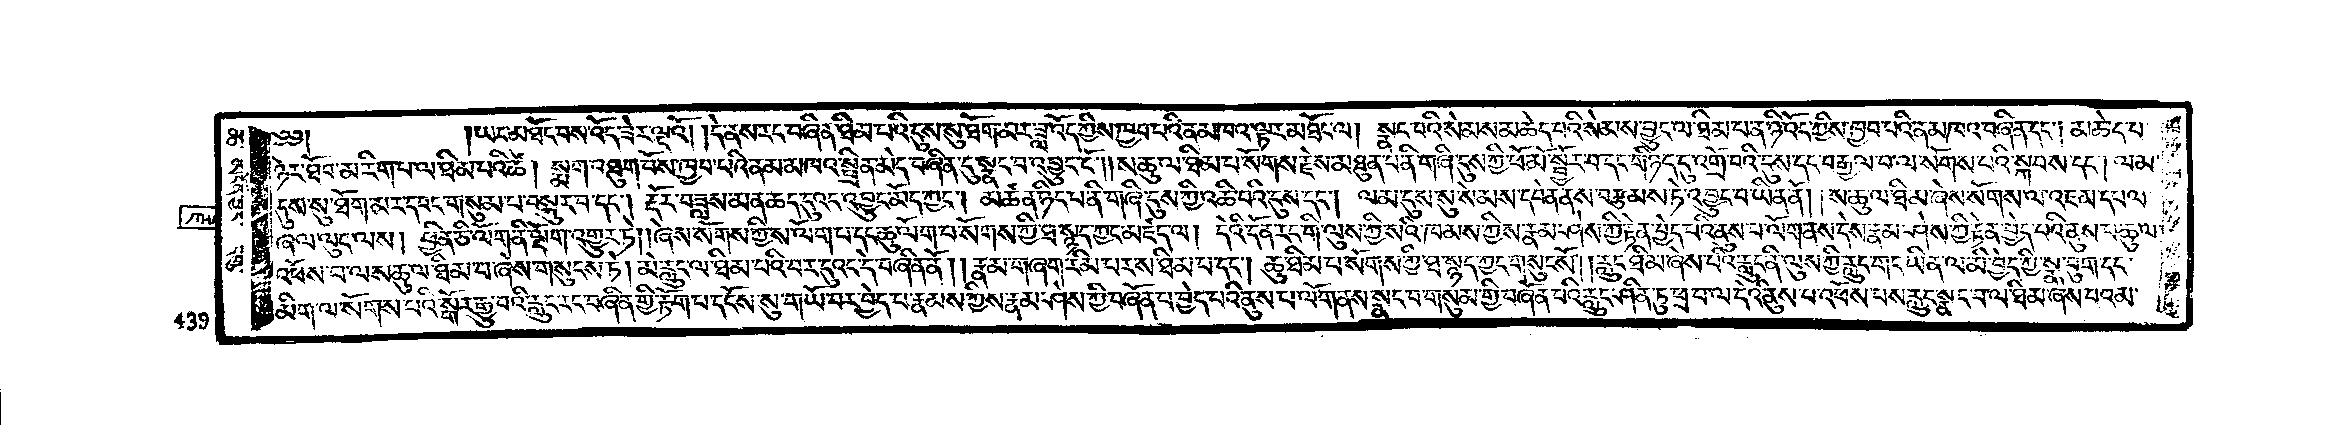༄༅། །ཡང་མཐོང་བས་འོད་ཟེར་ལྔའོ། །དེ་ནས་རང་བཞིན་ཐིམ་པའི་དུས་སུ་ཐོག་མར་ཟླ་འོད་ཀྱིས་ཁྱབ་པའི་ནམ་མཁའ་ལྟར་མཐོང་ལ། སྣང་བའི་སེམས་མཆེད་པའི་སེམས་བྱུང་ལ་ཐིམ་པ་ན་ཉི་འོད་ཀྱིས་ཁྱབ་པའི་ནམ་མཁའ་བཞིན་དང་། མཆེད་པ་
ཉེར་ཐོབ་མ་རིག་པ་ལ་ཐིམ་པའི་ཚེ། སྨག་འཐུག་པོས་ཁྱབ་པའི་ནམ་མཁའ་སྤྲིན་མེད་བཞིན་དུ་སྣང་བ་འབྱུང་ངོ། །ས་ཆུ་ལ་ཐིམ་པ་སོགས་རྗེས་མཐུན་པ་ནི་གཞི་དུས་ཀྱི་ཕོ་མོ་སྦྱོར་བ་དང་གཉིད་དུ་འགྲོ་བའི་དུས་དང་བརྒྱལ་བ་ལ་སོགས་པའི་སྐབས་དང་། ལམ་
དུས་སུ་ཐོག་མར་དབང་གསུམ་པ་བསྐུར་བ་དང་། རྡོར་བཟླས་མན་ཆད་དུའང་འབྱུང་མོད་ཀྱང་། མཚན་ཉིད་པ་ནི་གཞི་དུས་ཀྱི་འཆི་བའི་དུས་དང་། ལམ་དུས་སུ་སེམས་དབེན་ནས་བརྩམས་ཏེ་འབྱུང་བ་ཡིན་ནོ། །ས་ཆུ་ལ་ཐིམ་ཞེས་སོགས་ལ་འཇམ་དཔལ་
ཞལ་ལུང་ལས། ཕྱིན་ཅི་ལོག་ནི་ལྡོག་འགྱུར་ཏེ། །ཞེས་སོགས་ཀྱི་ས་ལོག་པ་དང་ཆུ་ལོག་པ་སོགས་ཀྱི་ཐ་སྙད་ཀྱང་མཛད་ལ། དེའི་དོན་རང་གི་ལུས་ཀྱི་སའི་ཁམས་ཀྱིས་རྣམ་ཤེས་ཀྱི་རྟེན་བྱེད་པའི་ནུས་པ་ལོག་ནས་དེས་རྣམ་ཤེས་ཀྱི་རྟེན་བྱེད་པའི་ནུས་པ་ཆུ་ལ་
འཕོས་པ་ལ་ས་ཆུ་ལ་ཐིམ་པ་ཞེས་གསུངས་ཏེ། མེ་རླུང་ལ་ཐིམ་པའི་བར་དུའང་དེ་བཞིན་ནོ། །རྣམ་གཞག་རིམ་པར་ས་ཐིམ་པ་དང་། ཆུ་ཐིམ་པ་སོགས་ཀྱི་ཐ་སྙད་ཀྱང་གསུངས་སོ། །རླུང་ཐིམ་ཞེས་པའི་རླུང་ནི་ལུས་ཀྱི་རླུང་གང་ཡིན་ལ་མི་བྱེད་ཀྱི་སྣ་བུག་དང་
མིག་ལ་སོགས་པའི་སྒོར་རྒྱུ་བའི་རླུང་རང་བཞིན་གྱི་རྟོག་པ་དངོས་སུ་གཡོ་བར་བྱེད་པ་རྣམས་ཀྱིས་རྣམ་ཤེས་ཀྱི་བཞོན་པ་བྱེད་པའི་ནུས་པ་ལོག་ནས་སྣང་བ་གསུམ་གྱི་བཞོན་པའི་རླུང་ཤིན་ཏུ་ཕྲ་བ་ལ་དེའི་ནུས་པ་འཕོས་པས་རླུང་སྣང་བ་ལ་ཐིམ་ཞེས་པའམ་